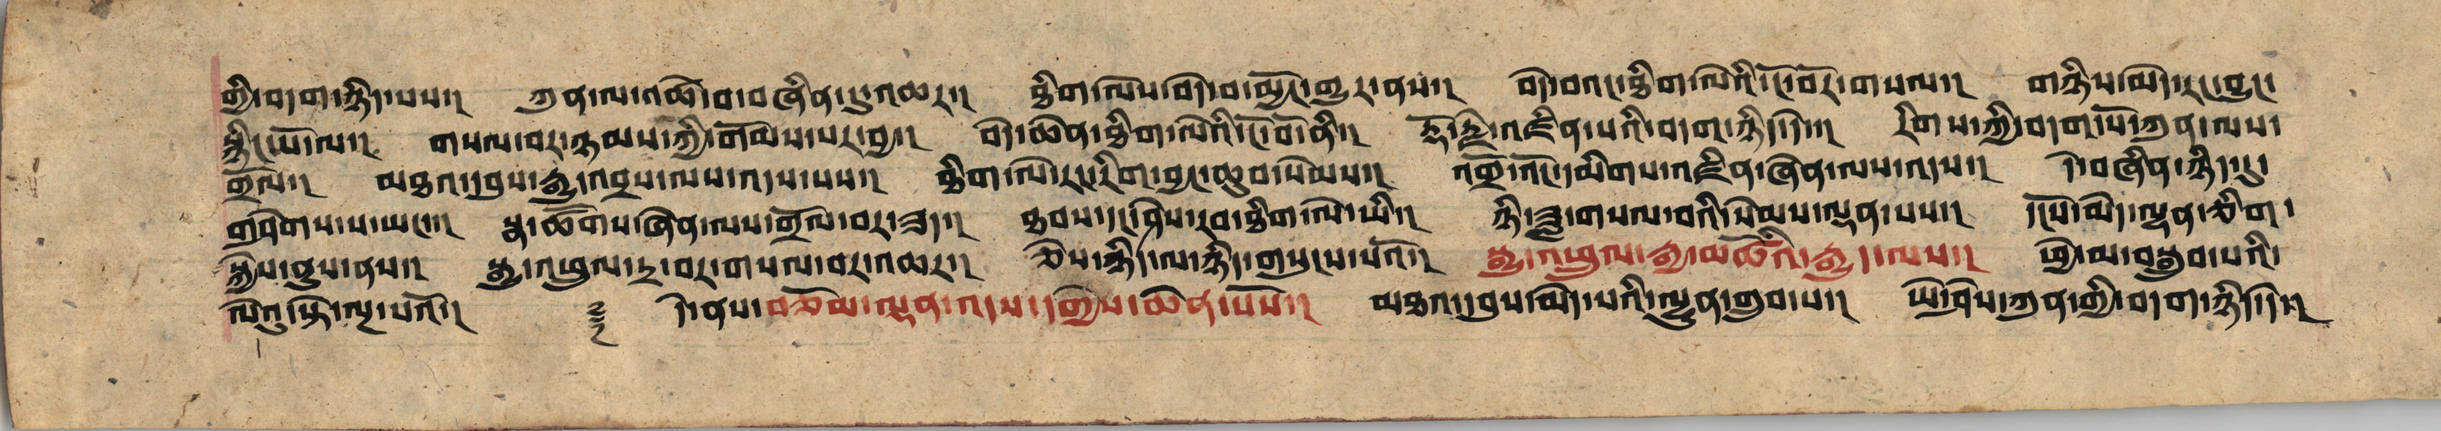གྱི་བདག་ཉིད་པས་། ཀུན་ལ་འཚེ་བ་བཞིན་དུ་འཆར་། ཐིག་ལེས་བདེ་བ་མྱོང་གྱུར་ནས་། བདེ་བའང་ཐིག་ལེའི་ངོ་བོར་གསལ་། གཉིས་མེད་རང་བྱུང་
སྙིང་པོ་ལ་། གསལ་བར་ཉམས་ཀྱི་གོམས་པར་བྱ་། བདེ་ཆེན་ཐིག་ལེའི་ངོ་བོ་ནི་། རྡོ་རྗེ་འཛིན་པའི་བདག་ཉིད་དེ་། རིགས་ཀྱི་བདག་པོ་ཀུན་ལས་
གྲོལ་། མཐའ་དབུས་རྒྱུ་འབྲས་ལས་འདས་པས་། ཐིག་ལེ་རང་རིག་བྱང་ཆུབ་སེམས་། འགྲོ་འངོ་དམིགས་འཛིན་ཞེན་ལས་འདས་། དེ་བཞིན་ཉིད་དུ་
གཤེགས་པ་ཡང་་། སྣ་ཚོགས་ཞེན་ལས་གྲོལ་བར་ཟད་། ཐབས་དང་ཤེས་རབ་ཐིག་ལེ་ཡི་། ཉི་ཟླ་གསལ་བའི་སེམས་ལྡན་པས་། དངོས་མེད་ལྡན་ཅིག་
སྐྱེས་ནུས་ནས་། སྒྱུ་འཕྲུལ་དྲ་བར་གསལ་བར་འཆར་། ཅེས་ཉིད་ལ་ཉིད་གསུངས་པའོ་། སྒྱུ་འཕྲུལ་རྒྱ་མཚོའི་རྒྱུད་ལས་། ཕྱེ་མ་བསྒྲུབ་པའི་
ལེའུ་སྟེ་ལྔ་པའོ་། ࿑ དེ་ནས་བཅོམ་ལྡན་འདས་དགྱེས་ཆེན་པོས་། མཐའ་དབུས་མེད་པའི་ལྷུན་གྲུབ་པ་། ཡེ་ཤེས་ཀུན་གྱི་བདག་ཉིད་དེ་།